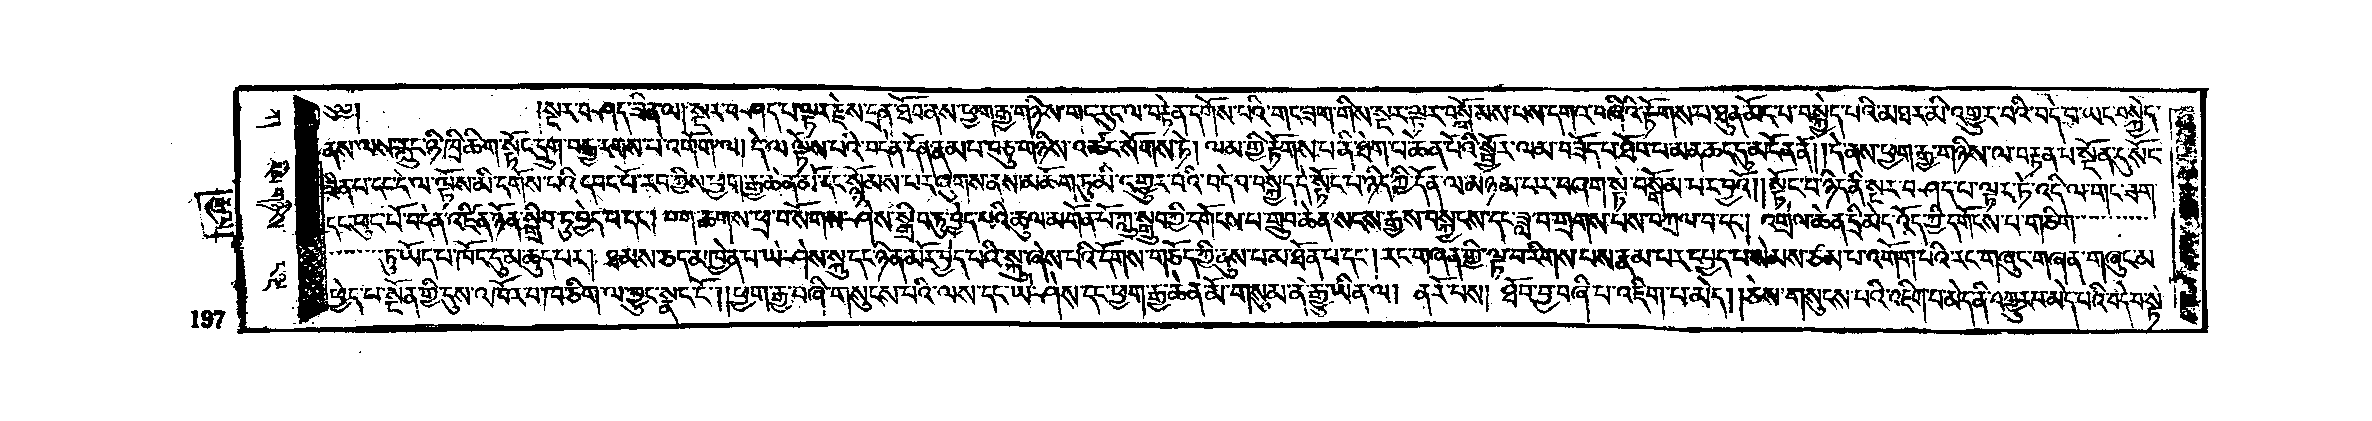༄༅། །སྔར་བཤད་ཟིན་ལ། སྔར་བཤད་པ་ལྟར་རྗེས་དྲན་ཐོབ་ནས་ཕྱག་རྒྱ་གཉིས་གང་རུང་ལ་བརྟེན་དགོས་པའི་གང་ཟག་གིས་སྔར་ལྟར་བསྒོམས་པས་དགའ་བཞིའི་རྟོགས་པ་ཐུན་མོང་པ་བསྐྱེད་པའི་མཐར་མི་འགྱུར་བའི་བདེ་བ་ཡང་བསྐྱེད་
ནས་ལས་རླུང་ཉི་ཁྲི་ཆིག་སྟོང་དྲུག་བརྒྱ་རགས་པ་འགོག་ལ། དེ་ལ་ལྟོས་པའི་བདེན་དོན་རྣམ་པ་བཅུ་གཉིས་འཚང་སོགས་ཏེ། ལམ་གྱི་རྟོགས་པ་ནི་ཐེག་པ་ཆེན་པོའི་སྦྱོར་ལམ་བཟོད་པ་ཐོབ་པ་མན་ཆད་དུ་མངོན་ནོ། །དེ་ནས་ཕྱག་རྒྱ་གཉིས་ལ་བརྟན་པ་སྔོན་དུ་སོང་
ཟིན་པ་དང་དེ་ལ་ལྟོས་མི་དགོས་པའི་དབང་པོ་རབ་ཀྱིས་ཕྱག་རྒྱ་ཆེན་མོ་དང་སྙོམས་པར་ཞུགས་ནས་མཆོག་ཏུ་མི་འགྱུར་བའི་བདེ་བ་བསྐྱེད་དེ་སྟོང་པ་ཉིད་ཀྱི་དོན་ལ་མཉམ་པར་བཞག་སྟེ་བསྒོམ་པར་བྱའོ། །སྟོང་པ་ཉིད་ནི་སྔར་བཤད་པ་ལྟར་ཏེ་འདི་ལ་གང་ཟག་
དང་ཕུང་པོ་བདེན་འཛིན་ཉོན་སྒྲིབ་ཏུ་བྱེད་པ་དང་། བག་ཆགས་ཕྲ་བ་སོགས་ཤེས་སྒྲིབ་ཏུ་བྱེད་པའི་ཚུལ་མགོན་པོ་ཀླུ་སྒྲུབ་ཀྱི་དགོངས་པ་གྲུབ་ཆེན་སངས་རྒྱས་བསྐྱངས་དང་ཟླ་བ་གྲགས་པས་བཀྲལ་བ་དང་། འགྲེལ་ཆེན་དྲི་མེད་འོད་ཀྱི་དགོངས་པ་གཅིག་
ཏུ་ཡོད་པ་ཁོང་དུ་མ་ཆུད་པར། ཐམས་ཅད་མཁྱེན་པ་ཡེ་ཤེས་སྐུ་དང་ཉིན་མོར་བྱེད་པའི་སྐུ་ཞེས་པའི་དོགས་གཅོད་ཀྱི་ནུས་པ་མ་ཐོན་པ་དང་། རང་གཞན་གྱི་ལྟ་བ་རིགས་པས་རྣམ་པར་དཔྱད་པ་སེམས་ཙམ་པ་འགོག་པའི་རང་གཞུང་གཞན་གཞུང་མ་
ཕྱེད་པ་སྔོན་གྱི་དུས་འཁོར་བ་ཁ་ཅིག་ལ་བྱུང་སྣང་ངོ། །ཕྱག་རྒྱ་བཞི་གསུངས་པའི་ལས་དང་ཡེ་ཤེས་དང་ཕྱག་རྒྱ་ཆེན་མོ་གསུམ་ནི་རྒྱུ་ཡིན་ལ། ན་རོ་པས། ཐོབ་བྱ་བཞི་པ་འཇིག་པ་མེད། །ཅེས་གསུངས་པའི་འཇིག་པ་མེད་ནི་འགྱུར་བ་མེད་པའི་བདེ་བ་སྟེ་